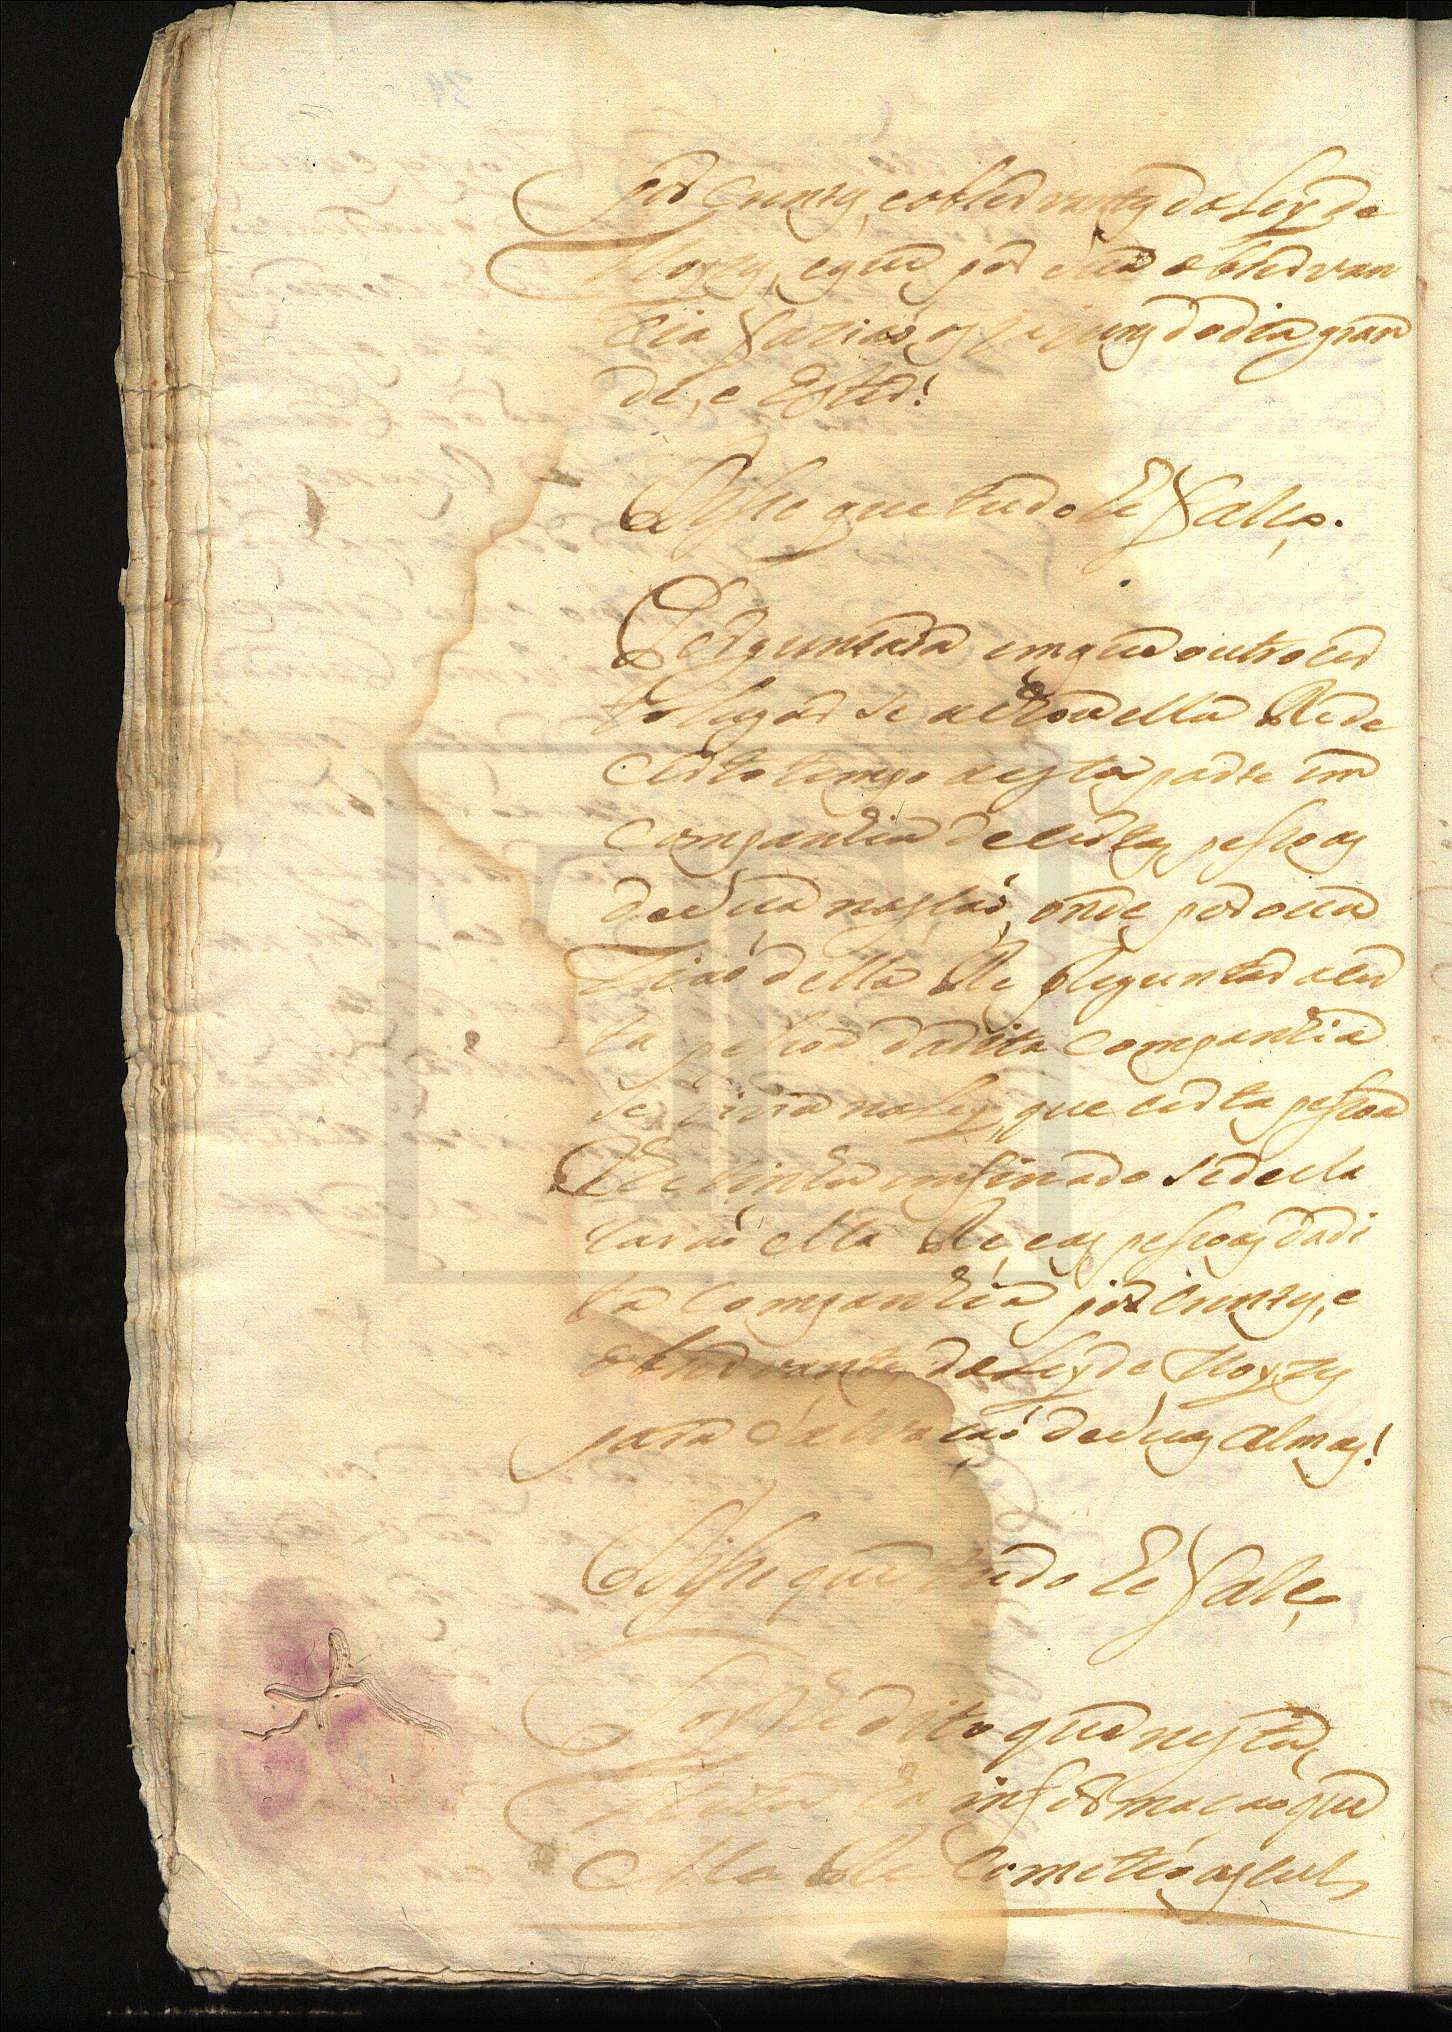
por crentes, e observantes da Ley de
Moyzes, e que por sua observan
cia faziaõ os jejuns do dia gran
de, e Ester?
Disse que tudo he falço.
Perguntada em que outro cer
to lugar se achou ella Re de
certo tempo a esta parte em
companhia de certas pessoas
de sua nasçaõ, onde por occa
Ziaõ della Re preguntar a cer
ta pessoa da dita companhia
se vivia na Ley, que certa pessoa
lhe tinha imsinado se decla
raraõ ella Re, e as pessoas da di
ta companhia por crentes, e
observantes da Ley de Moyzes
para salvaçaõ de suas almas?
Disse que tudo he falço
Foy lhe dito que nesta
Meza ha informaçaõ que
ella Re cometeo as cul
